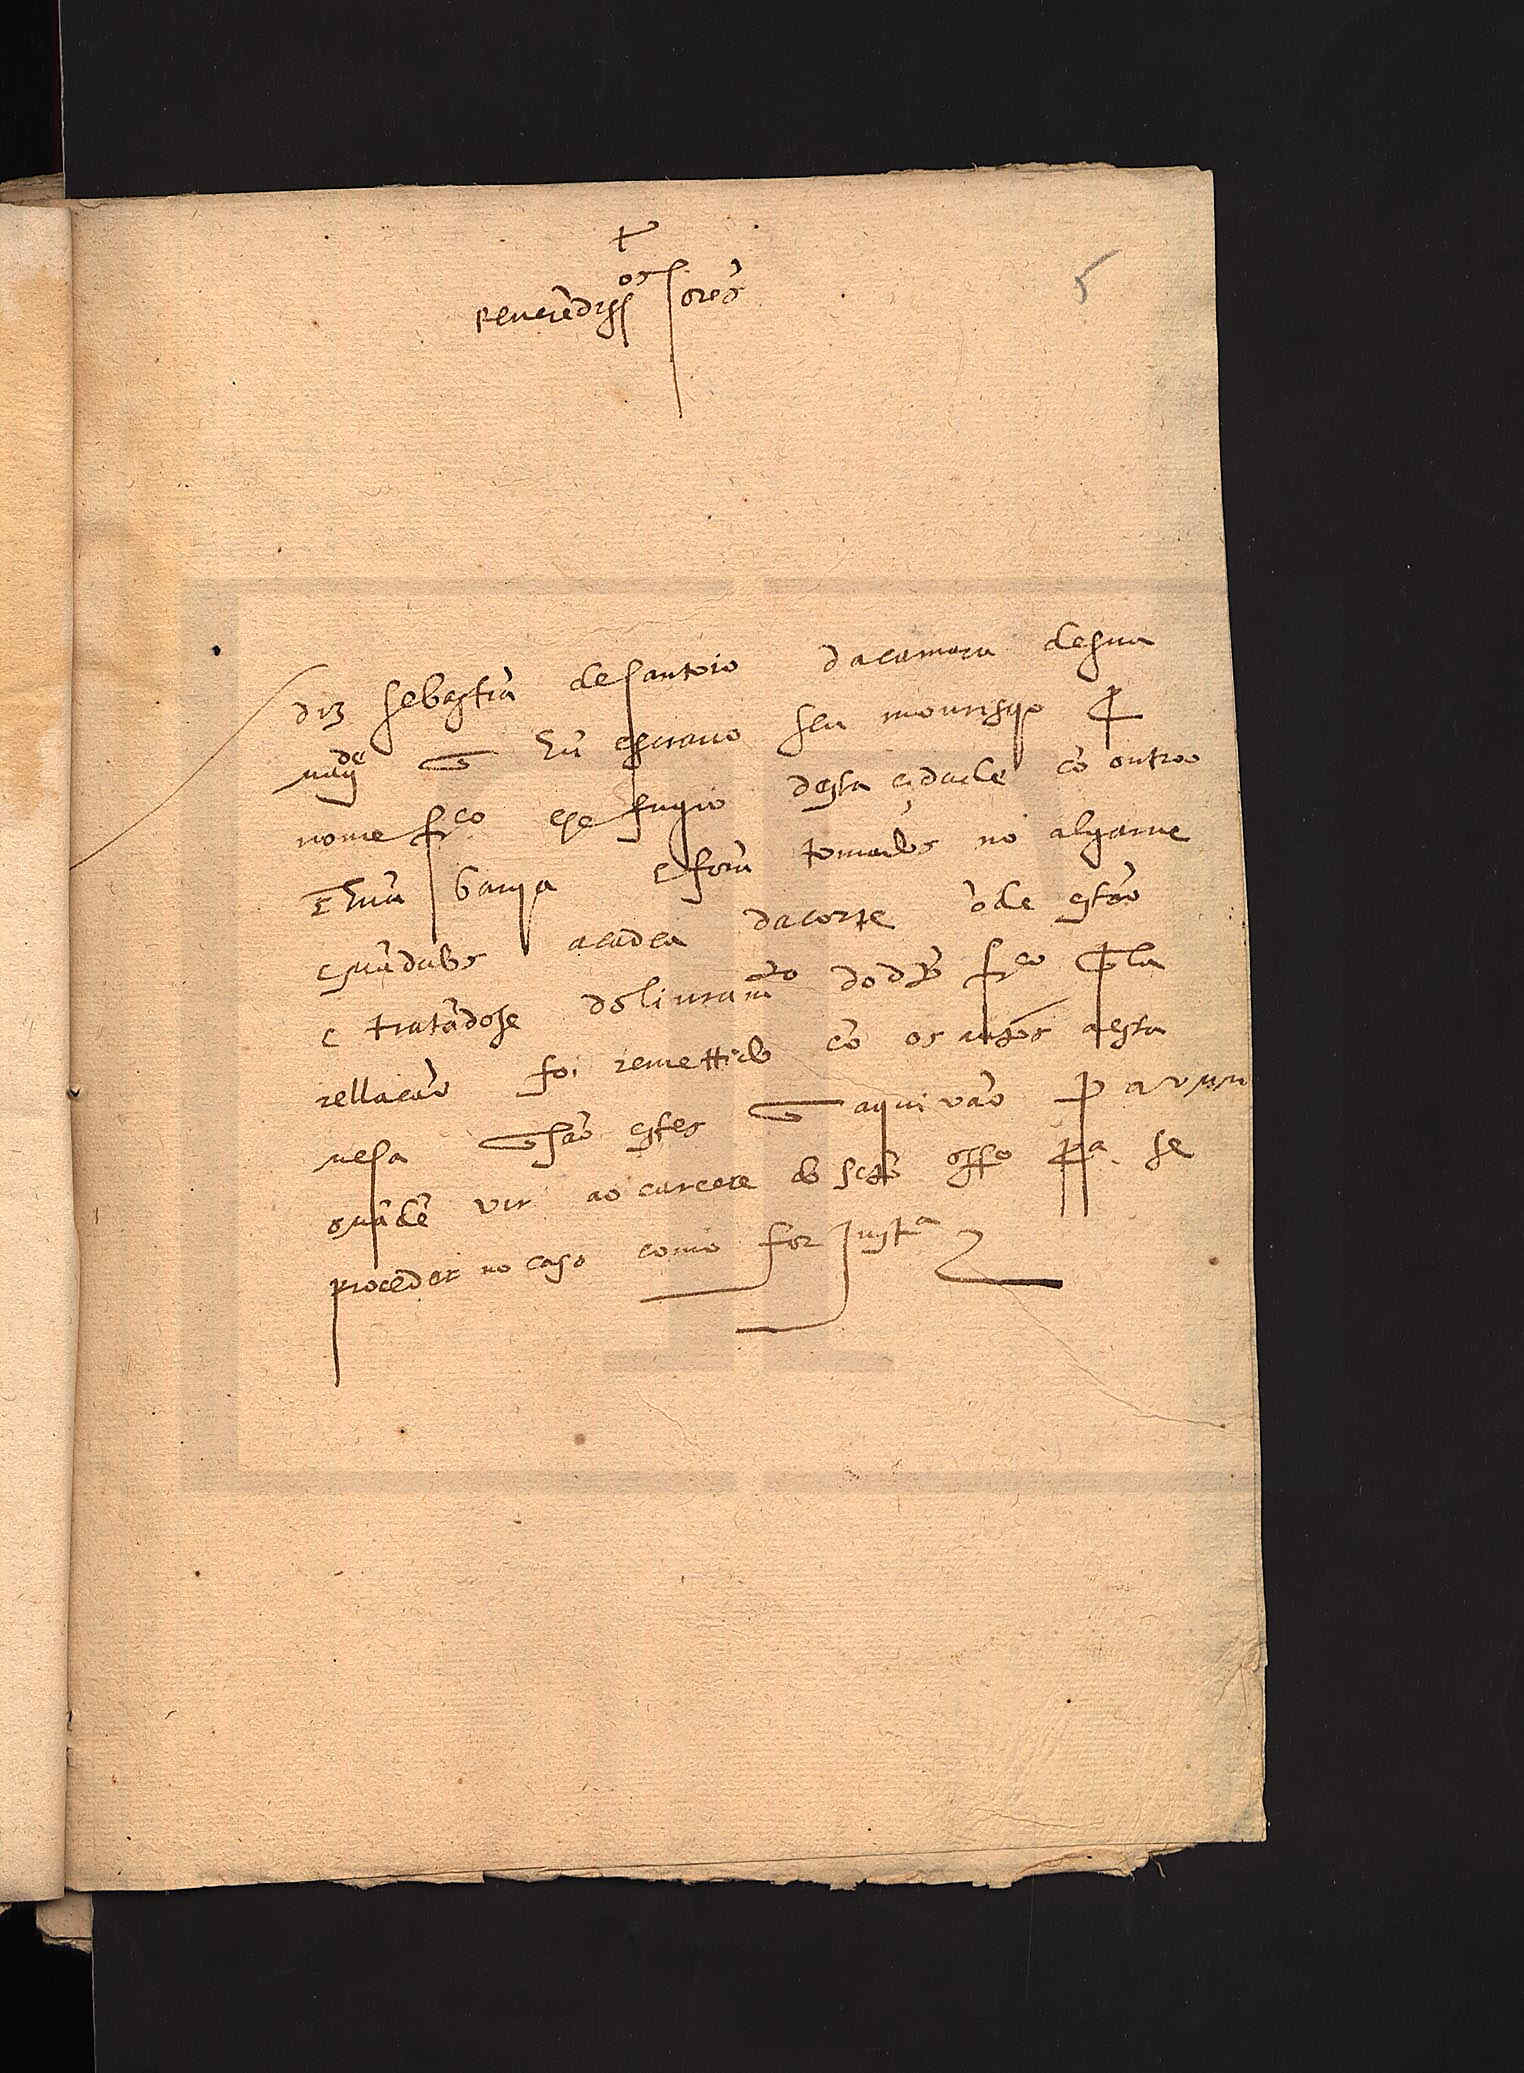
Reuerēdissos Sores̄
diz sebastiā de santoio da camara de sua
Magde q̄ hū escrauo seu mourisqo ꝑ
nome frco lhe fugio desta cidade cō outroo
Ē huā barqa E forā tomados no algarue
e Mādados a cadea da corte ōde estaõ
E tratādose do liuramto do dtō frco p̄la
rellação foi remettido cō os outōs a esta
Mesa q̄ saõ estes q̄ aqui vaõ P a vMM
o Mādē vir ao carcere do sctō offo ꝑa se
proceder no caso como for Justa
